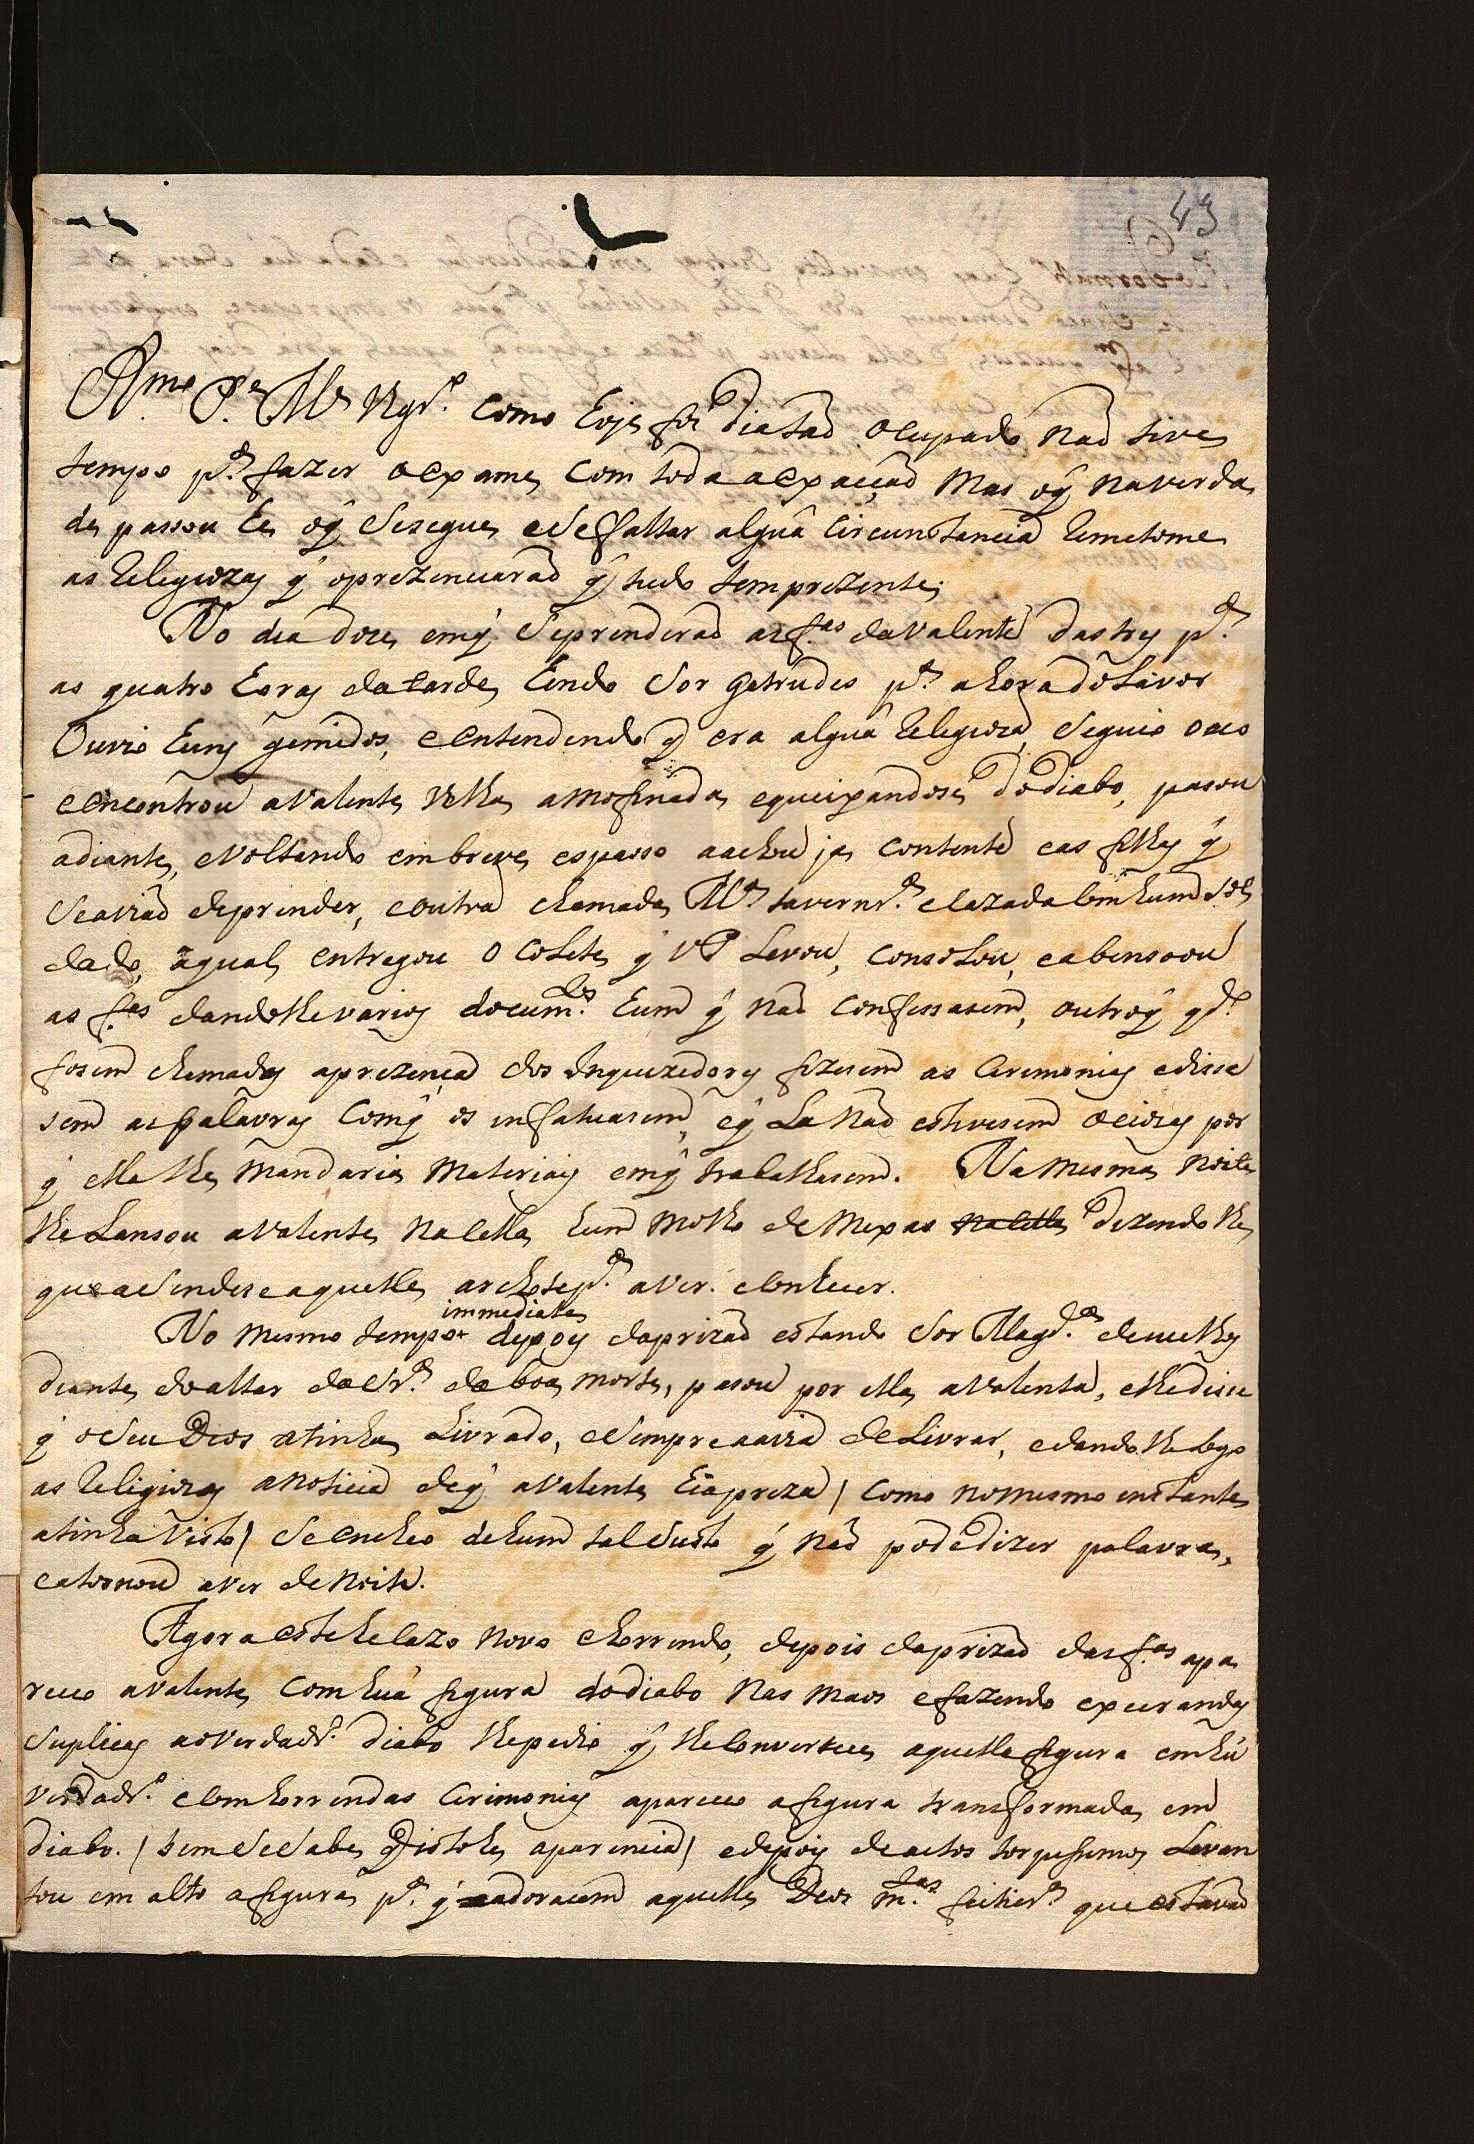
Rmo P.e Me Vigr.o como hoje foi dia taõ ocupado naõ tive
tempo p.a fazer o exame com toda a exacçaõ mas o q̄ na verda
de passou he o q̄ se segue, e se faltar alguā circunstancia Remetome
as Religiozas q̄ o prezenciaraõ q̄ tudo tem prezente;
No dia doze em q̄ se prenderão as f.as da valente das tres p.a
as quatro horas da tarde, hindo sor getrudes p.a a hora do Lavor
Ouvio huns gemidos, e entendendo q̄ era alguā Religioza, seguio o eco
e encontrou a Valente, Velha amofinada e queixandose do diabo, pasou
adiante, e voltando em breve espasso a achou ja contente e as filhas q̄
Se aviaõ de prender, e outra chamada Ma tavernr.a e cazada com hum sol
dado, á qual entregou o coLete q̄ VP Levou, consoLou, e abensoou
as f.as dandolhe varios docum.tos hum q̄ não confessasem, outros q̄ qd.o
fosem chamadas a prezença dos Inquizidores fizesem as Ceremonias e disse
sem as palavras com q̄ os infatuasem, e q̄ La não estevesem ociozas por
q̄ ella lhe mandaria materiais em q̄ trabalhasem. Na mesma noite
lhe Lansou a valente na cella, hum molho de Mexas nacella, dizendo lhe
que asendese aquelle archote p.a a ver e conhecer.
immediata
No mesmo tempo + depois da prizaõ estando Sor Magd.a de iuelhos
diante do altar da Sr.a da boa morte, pasou por ella a Valenta, e lhe disse
q̄ o seu Deos a tinha Livrado, e Sempre a avia de Livrar, e dando lhe logo
as Religiozas a noticia de q̄ a valente hia preza/ como no mesmo instante
a tinha visto/ se encheo de hum tal susto q̄ naõ pode dizer palavras,
e a tornou a ver de noite.
Agora este he cazo novo e horrendo, depois da prizão das f.as apa
receo a valente com huā figura do diabo nas maos e fazendo execrandas
suplicas ao verdadr.o diado lhe pedio q̄ lhe convertece aquella figura em hū
verdadr.o e com horrendas Cerimonias apareceo a figura transformada, em
diabo. / bem se sabe q̄ isto he, aparencia / e depois de actos torpissimos Levan
tou em alto a figura p.a q̄ _adoracem aquelle Deos m.tas feiticr.as que estavão
